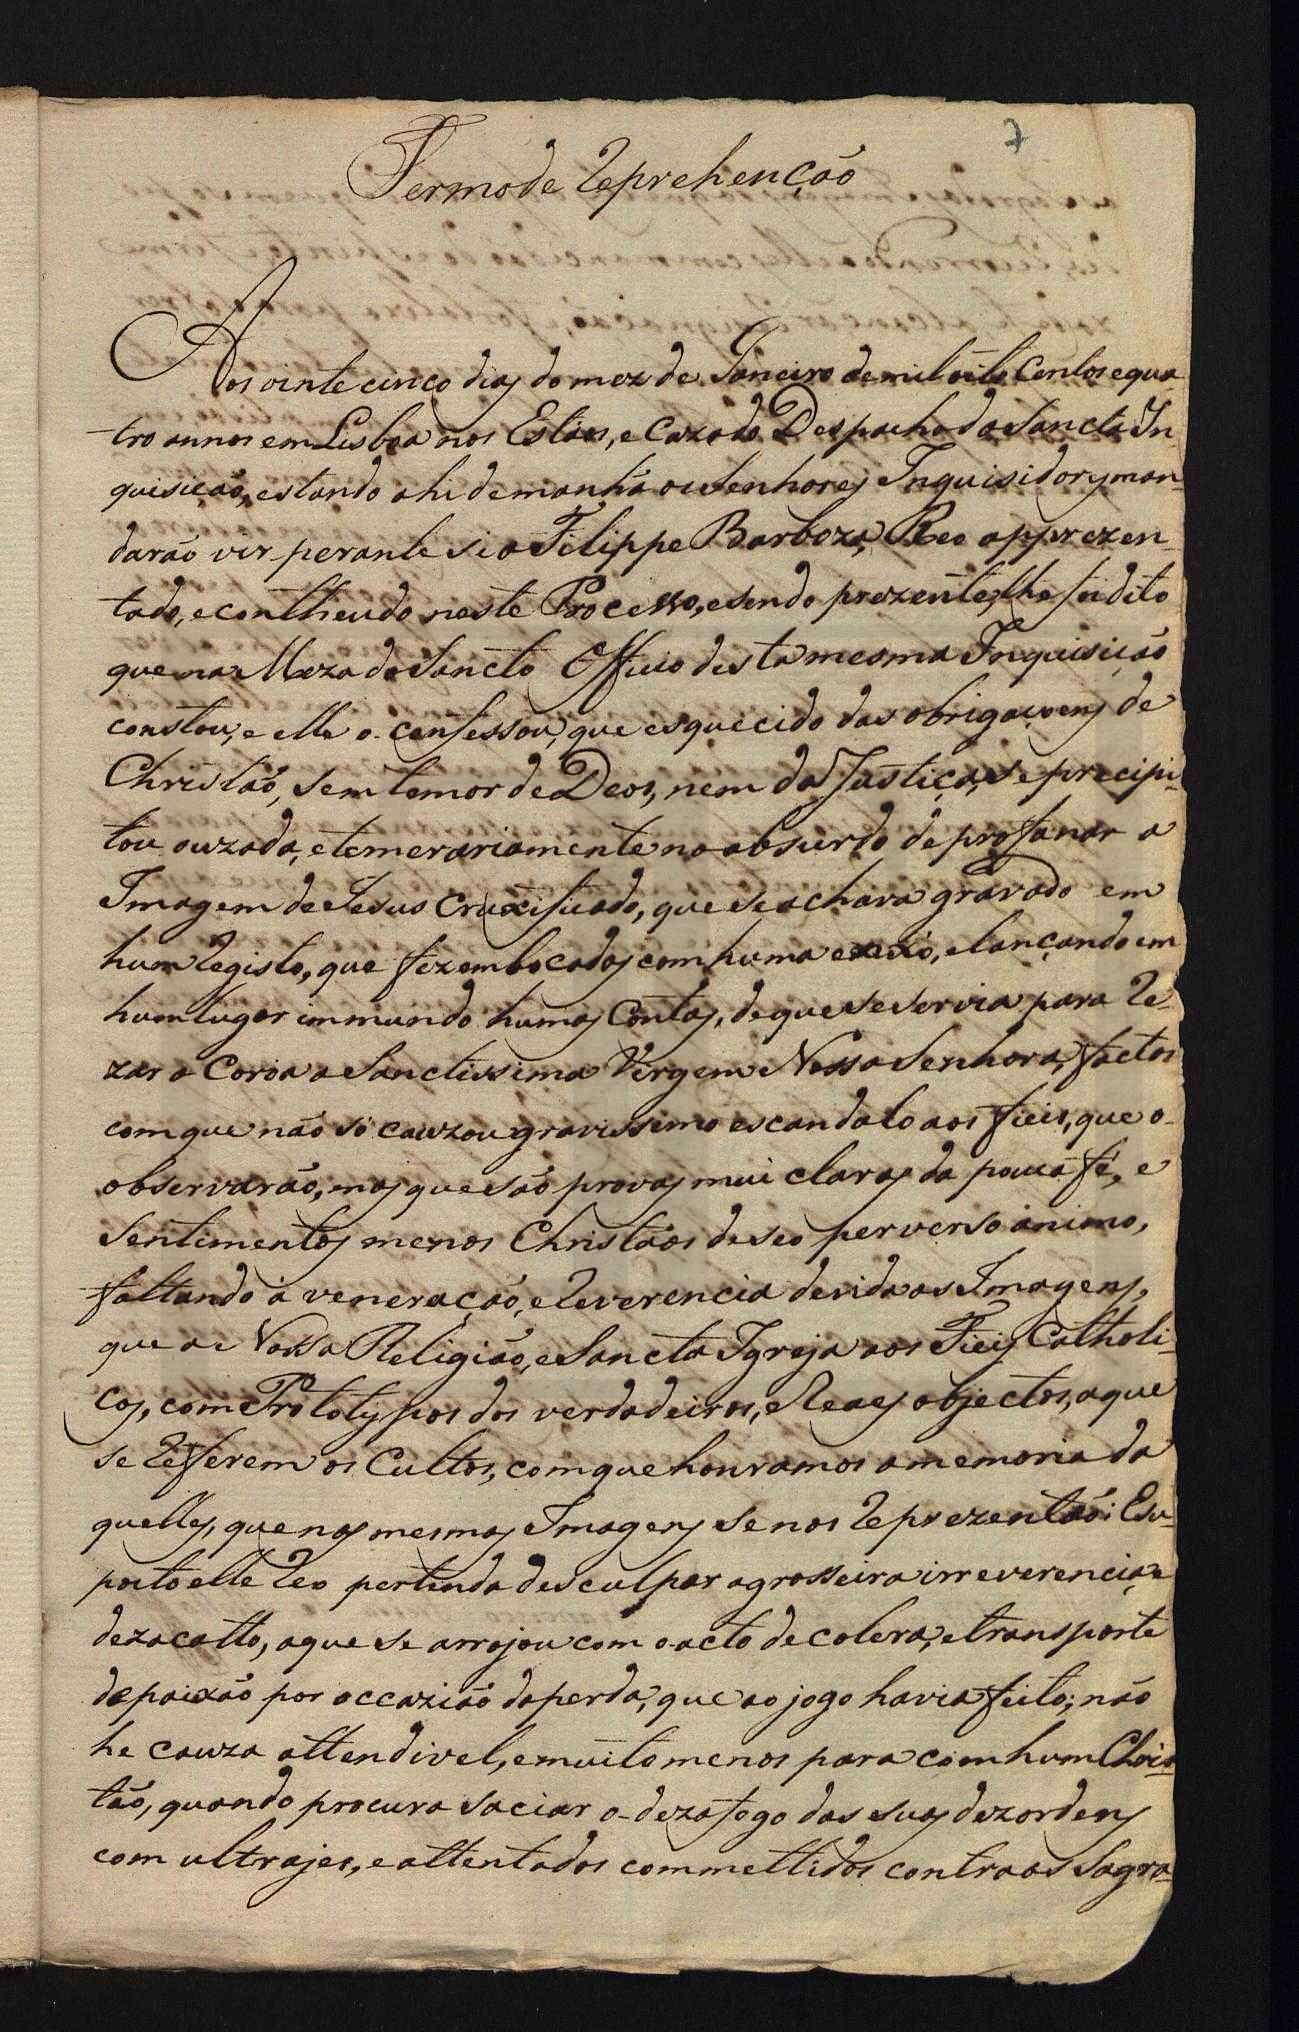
Termo de Reprehençaõ
Aos vinte cinco dias do mez de Ianeiro de mil oito Centos e qua
tro annos em Lisboa nos Estaos, e Caza do Despacho da Sancta In
quisiçaõ, estando ahi de manhã os Senhores Inquisidores man
daraõ vir perante si a Filippe Barboza, Reo apprezen
tado, e contheudo neste Processo, e sendo prezente, lhe foi dito
que na Meza do Sancto Officio desta mesma Inquisiçaõ
constou, e elle o confessou, que esquecido das obrigaçoens de
Christaõ, sem temor de Deos, nem da Justiça, se precipi
tou ouzada, e temerariamente no absurdo de profanar a
Imagem de Jesus Cruxificado, que se achava gravado em
hum Registo, que fez em bocados com huma enxó, e lançando em
hum lugar immundo humas contas, de que se servia para Re
zar a Coroa a Sanctissima Virgem Nossa Senhora, factos
com que naõ só cauzou gravissimo escandalo aos fieis, que o
observaraõ, mas que saõ provas mui claras da pouca fé, e
sentimentos menos Christaõs de seo perverso animo,
faltando a veneraçaõ, e Reverencia devida as Imagens,
que a Nossa Religiaõ, e Sancta Igreja aos Fieis Catholi
cos, como Prototypos dos verdadeiros, e Reais objectos, a que
se Referem os Cultos, com que honramos a memoria da
quelles, que nas mesmas Imagens se nos Reprezentaõ: E su
ponto elle Reo pertenda desculpar a grosseira irreverencia, e
dezacatto, a que se arrojou com o acto de colera, transporte
de paixaõ, por occaziaõ da perda, qua ao jogo havia feito, naõ
he cauza attendivel, e muito menos para com hum Chris
taõ, quando procura saciar o dezafogo das suas dezordens
com ultrajes, e attentados commettidos contra as Sagra
